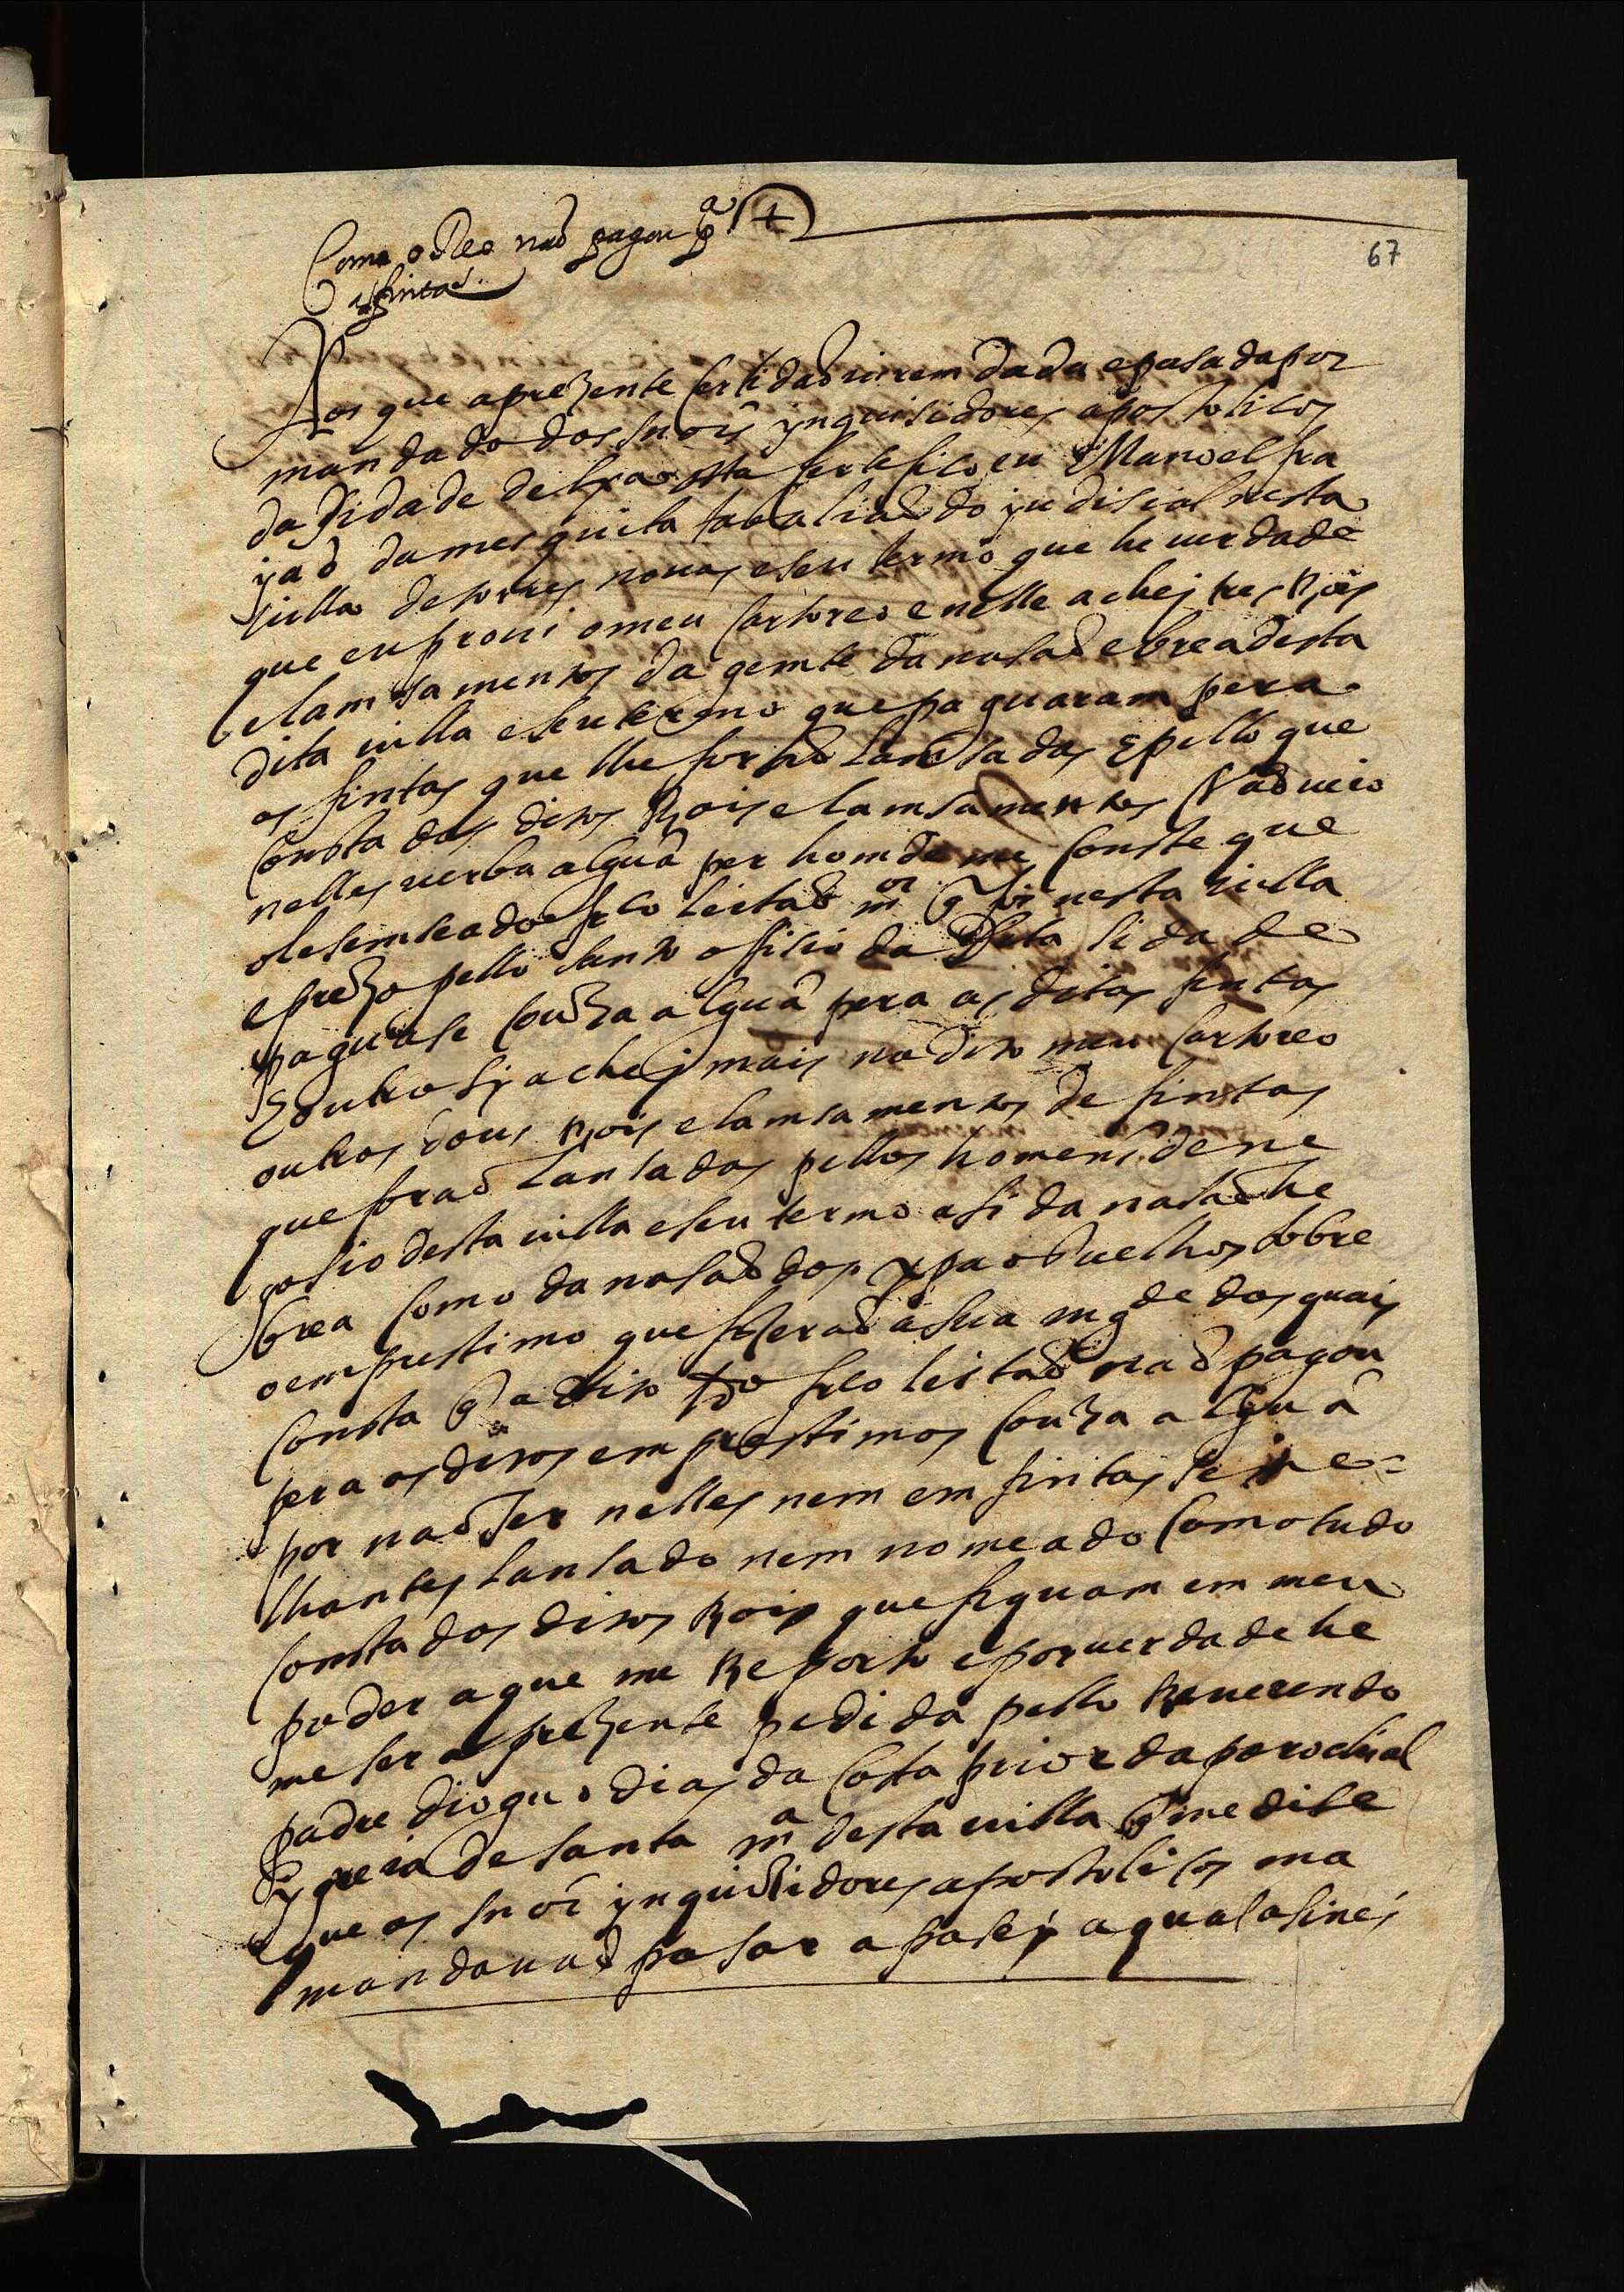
Como o Reo naõ pagou pa
as fintas.
Aos que a prezente Certidão uirem dada e pasada por
mandado dos snors̄ ynquisidores apostolicos
da Sidade de Lxa etta Certefico eu Manoel fra
yaõ da mesquita tabaliaõ do yudisial nesta
uilla de torres nouas e seu termo que he uerdade
que eu proui o meu Cartoreo e nelle achej tres Rois
e lamsamentos da gemte da nasaõ ebrea desta
dita uilla e seu termo que paguaram pera
as fintas que lhe foraõ Lamsadas E pello que
Consta dos ditos Rois e lamsamentos Naõ ueio
nelles uerba alguā per homde me Conste que
o lesemseado frco leitaõ mor q̄ foi nesta uilla
e prezo pello santo offisio da Dita sidade
paguase Couza alguā pera as ditas fintas
E outrosy achej mais no dito meu Cartoreo
outros dous Rois e lamsamentos de fintas
que foraõ lansadas pellos homens de ne
gosio desta uilla e seu termo asi da nasaõ he
brea Como da nasaõ dos xpaos̄ uelhos sobre
o emprestimo que fizeraõ a sua mgde dos quais
Consta q̄ o dito ldo frco leitaõ naõ pagou
pera os ditos emprestimos Couza alguā
por naõ ser nelles nem em fintas seme
lhantes lansado nem nomeado Como tudo
Consta dos ditos Rois que fiquam em meu
puder a que me Reporto e por uerdade he
me ser a prezente pedida pello Reuerendo
padre dioguo dias da Costa prior da parochial
ygreia de santa ma desta uilla q̄ me dise
que os snor̄ ynquizidores apostolicos ma
mandauaõ pasar a pasej a qual asinej
